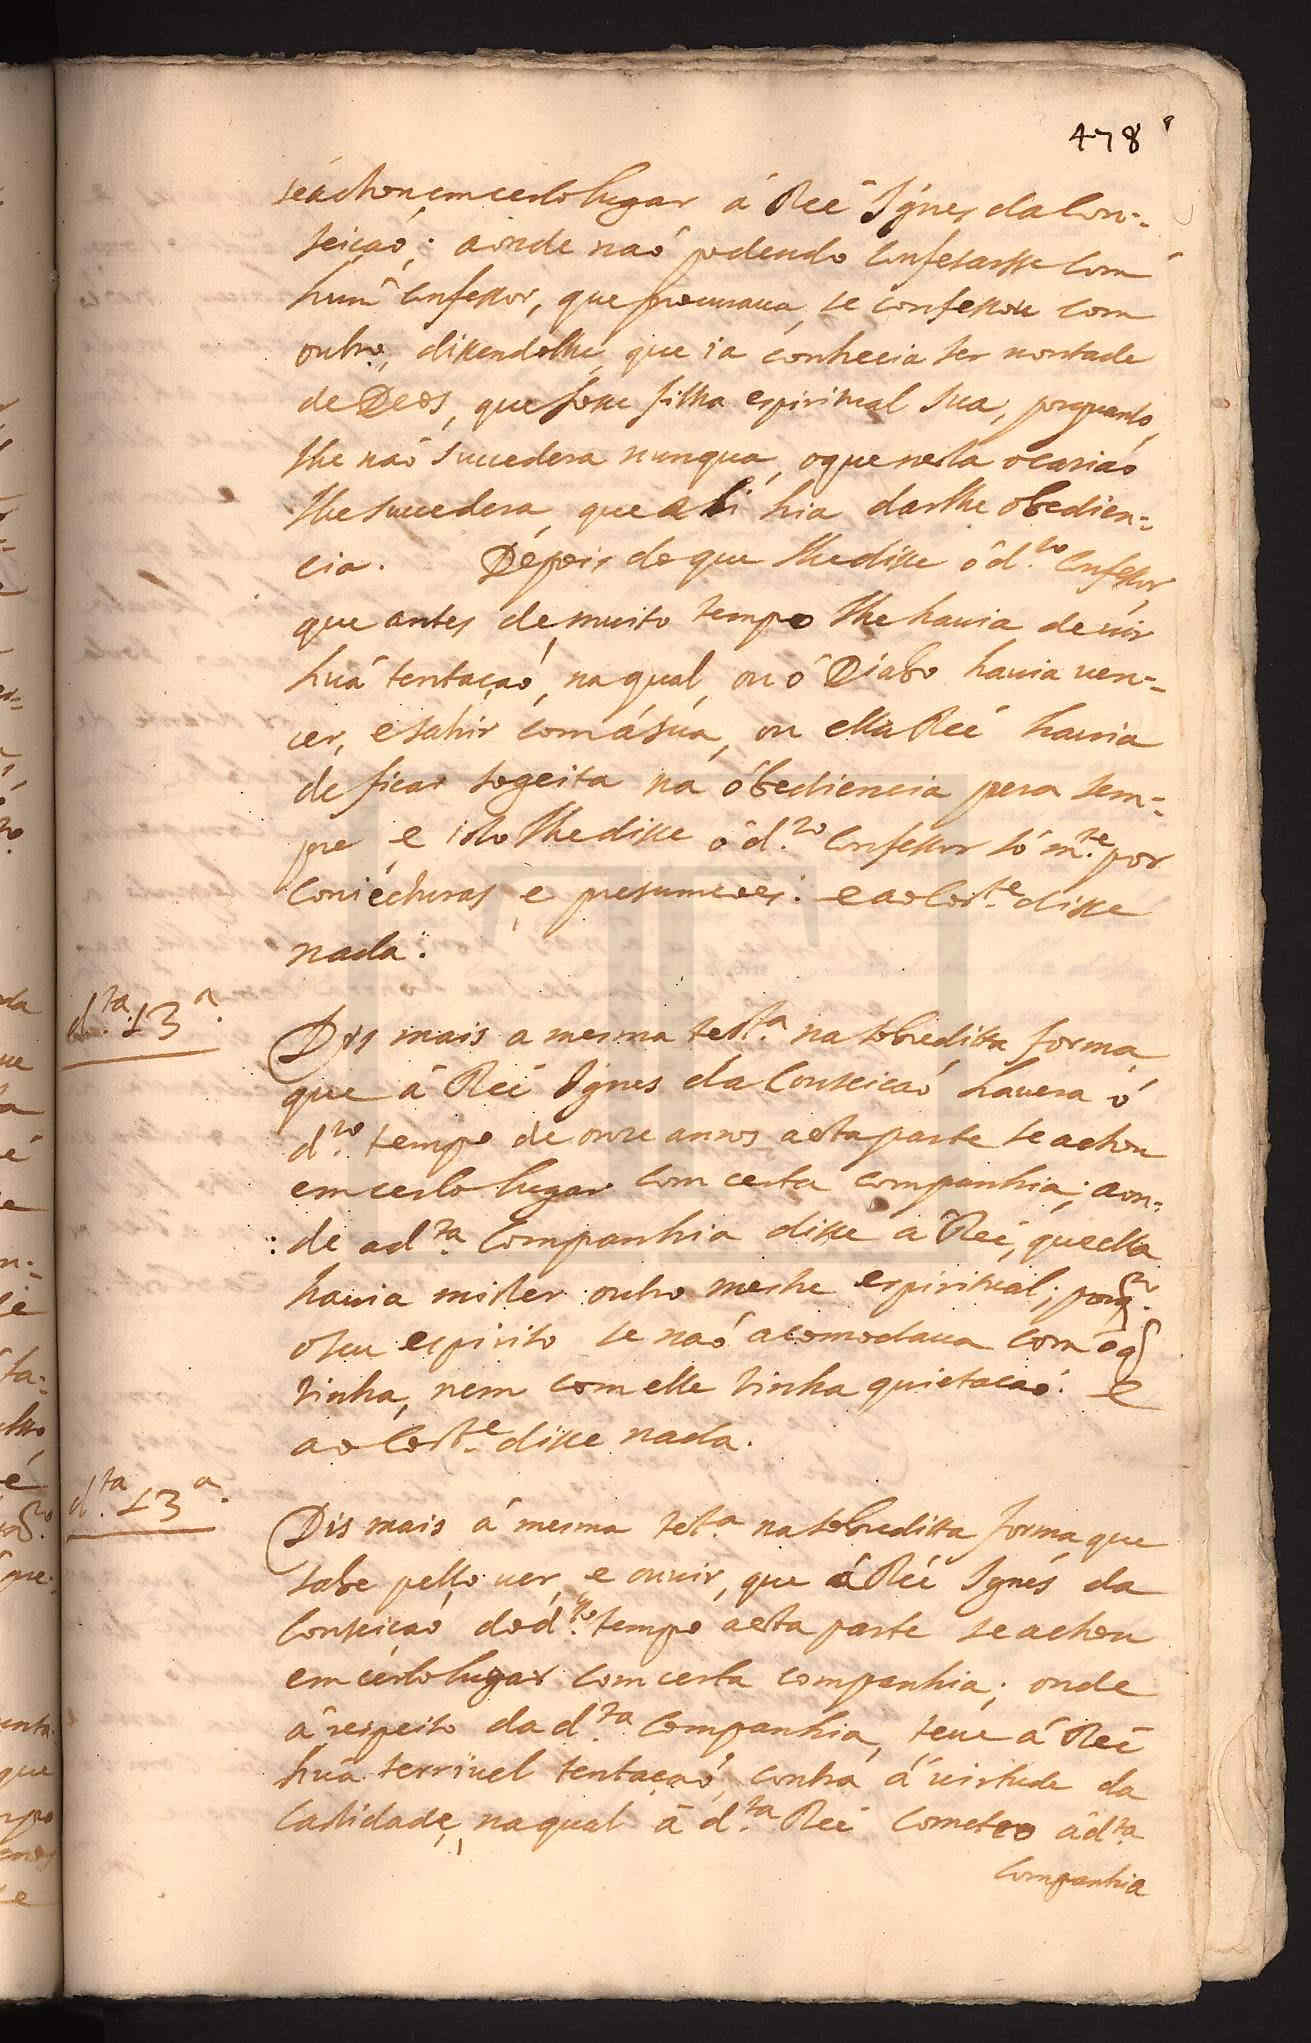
478
se achou em certo lugar á Reé Ignes da Con
seiçaõ; aonde naõ podendo confesarsse com
hum confessor, que procuraua, se confessou com
outro, dissendolhe, que ia conhecia ser uontade
de Deos, que fosse filha espiritual sua, porquanto
lhe naõ succedera nunqua o que nessa ocaziaõ
lhe succedera, que ahi hia darlhe obedien
cia.
Depois do que lhe disse o d.to Confessor
que antes de muito tempo lhe hauia de uir
huā tentaçaõ, na qual, ou ó Diabo hauia uen
cer, e sahir com á sua, ou ella Reé hauia
de ficar sogeita na óbediencia pera sem
pre, e isto lhe disse o d.to Confessor sómte por
coniecturas e presumçoes. e ao Cost.e disse
nada.
Dis mais a mesma test.a na sobreditta forma
que á Reé Ignes da Conceiçaõ hauera ó
d.to tempo de onze annos a esta parte se achou
em certo lugar com certa companhia; aon
de a d.ta companhia disse a Ree, que ella
hauia mister outro mestre espiritual, porqto.
o seu espirito se naõ acomodaua com o q̄
tinha, nem com elle tinha quietaçaõ. E
ao cost.e disse nada.
Dis mais á mesma test.a na sobreditta forma, que
sabe pello uer, e ouuir, que á Reé Ignes da
Conseiçaõ do d.to tempo a esta parte se achou
em certo lugar com certa companhia; onde
á respeito da d.ta companhia, teue á Reé
huā terrivel tentaçaõ contra á uirtude da
Castidade, na qual á d.ta Ree cometeo a d.ta
Companhia
